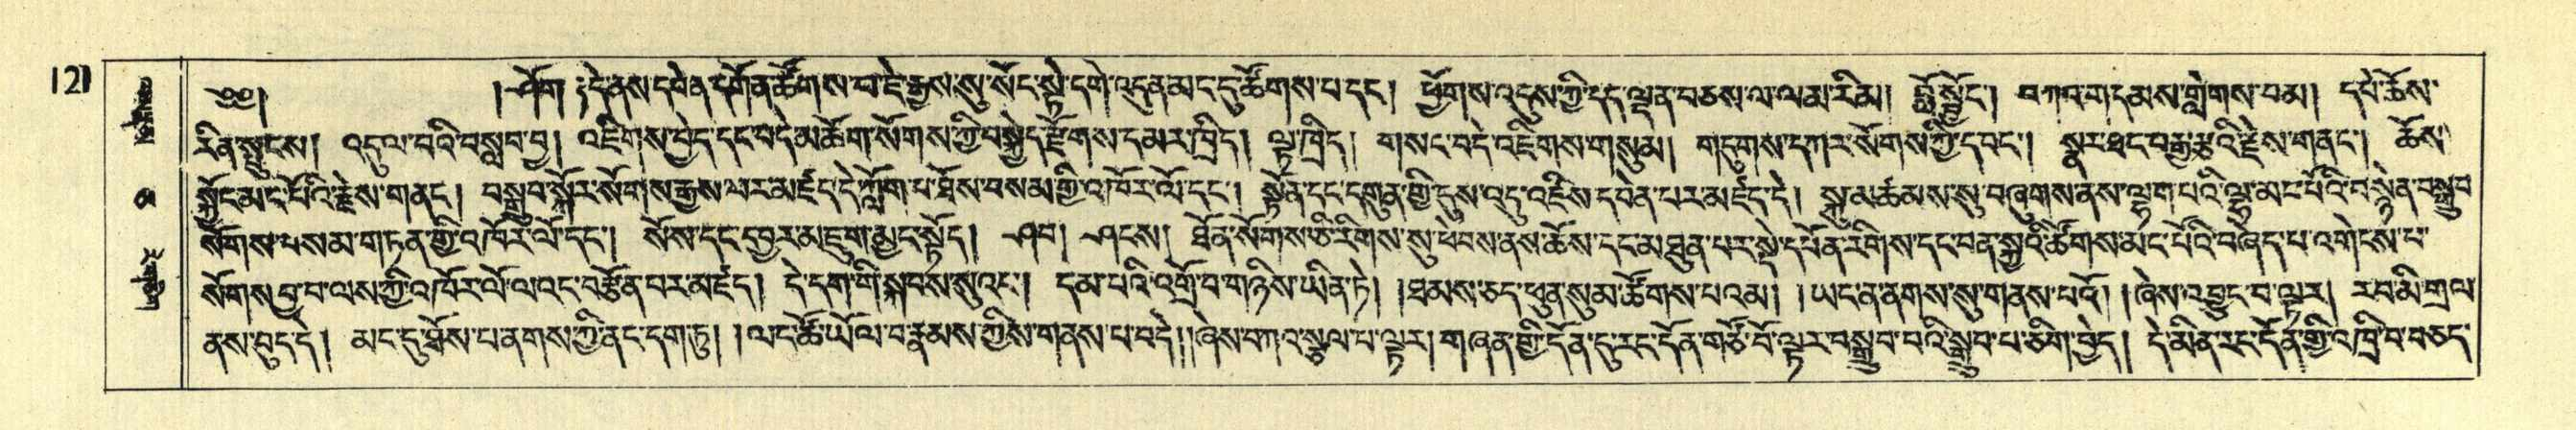༄༅། །ཤོག ༑དེ་ནས་དབེན་དགོན་ཚོགས་བ་ཇེ་རྒྱས་སུ་སོང་སྟེ་དགེ་འདུན་མང་དུ་ཚོགས་པ་དང་། ཕྱོགས་འདུས་ཀྱི་དད་ལྡན་བཅས་ལ་ལམ་རིམ། བློ་སྦྱོང་། བཀའ་གདམས་གླེགས་བམ། དཔེ་ཆོས་
རིན་སྤུངས། འདུལ་བའི་བསླབ་བྱ། འཇིགས་བྱེད་དང་བདེ་མཆོག་སོགས་ཀྱི་བསྐྱེད་རྫོགས་དམར་ཁྲིད། ལྟ་ཁྲིད། གསང་བདེ་འཇིགས་གསུམ། གདུགས་དཀར་སོགས་ཀྱི་དབང་། སྣར་ཐང་བརྒྱ་རྩའི་རྗེས་གནང་། ཆོས་
སྐྱོང་མང་པོའི་རྗེས་གནང་། བསྒྲུབ་སྐོར་སོགས་རྒྱས་པར་མཛད་དེ་ཀློག་པ་ཐོས་བསམ་གྱི་འཁོར་ལོ་དང་། སྟོན་དང་དགུན་གྱི་དུས་འདུ་འཛིས་དབེན་པར་མཛད་དེ། སྐུ་མཚམས་སུ་བཞུགས་ནས་ལྷག་པའི་ལྷ་མང་པོའི་བསྙེན་བསྒྲུབ་
སོགས་བསམ་གཏན་གྱི་འཁོར་ལོ་དང་། སོས་དང་དབྱར་མཇུག་མྱང་སྟོད། ཤབ། ཤངས། ཐོན་སོགས་ཅི་རིགས་སུ་ཕེབས་ནས་ཆོས་དང་མཐུན་པར་སྡེ་དཔོན་རིགས་དང་བན་སྐྱའི་ཚོགས་མང་པོའི་བཞེད་པ་འགེངས་པ་
སོགས་བྱ་བ་ལས་ཀྱི་འཁོར་ལོ་ལའང་བརྩོན་པར་མཛད། དེ་དག་གི་སྐབས་སུའང་། དམ་པའི་འགྲོ་བ་གཉིས་ཡིན་ཏེ། །ཐམས་ཅད་ཕུན་སུམ་ཚོགས་པའམ། །ཡང་ན་ནགས་སུ་གནས་པའོ། །ཞེས་འབྱུང་བ་ལྟར། རབ་མི་གྲལ་
ནས་བུད་དེ། མང་དུ་ཐོས་པ་ནགས་ཀྱི་ནང་དག་ཏུ། །ལང་ཚོ་ཡོལ་བ་རྣམས་ཀྱིས་གནས་པ་བདེ། །ཞེས་བཀའ་སྩལ་པ་ལྟར། གཞན་དོན་དུ་རང་དོན་གཙོ་བོ་ལྟར་བསྒྲུབ་པའི་སྒྲུབ་པ་ཅིག་བྱེད། དེ་བྱེད། དེ་མིན་རང་དོན་གྱི་འཁྲི་བ་བཅད་